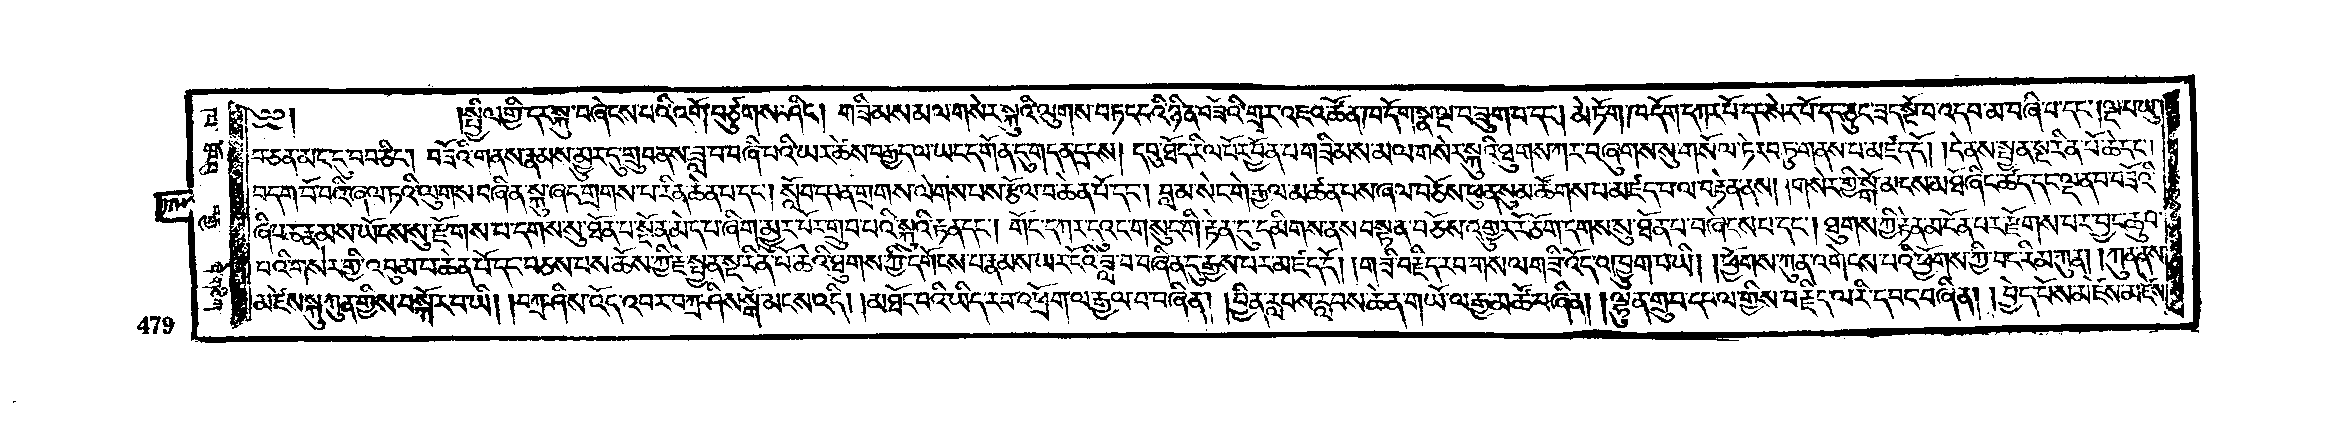༄༅། །སྤྱིལ་གྱི་དར་སྐུ་བཞེངས་པའི་འགེ་བཙུགས་ཤིང་། གཟིམས་མལ་གསེར་སྐུའི་ལུགས་བཏང?་བའི་ཉིན་བཟོའི་གྲྭར་འཇའ་ཚོན་ཁ་དོག་སྣ་ལྔ་པ་ཟུག་པ་དང་། མེ་ཏོག་ཁ་དོག་དཀར་པོ་དང་སེར་པོ་དང་ཅུང་ཟད་སྔོ་བ་འདབ་མ་བཞི་པ་དང་། ལྔ་པ་ཡུ་
བ་ཅན་མང་དུ་བབ་ཅིང་། བཟོའི་གནས་རྣམས་མྱུར་དུ་གྲུབ་ནས་ཟླ་བ་བཞི་པའི་ཡར་ཚེས་བརྒྱད་ལ་ཡང་དགོན་དུ་གདན་དྲངས། དབུ་ཐོད་རིལ་པོར་བྱོན་པ་གཟིམས་མལ་གསེར་སྐུའི་ཐུགས་ཀར་བཞུགས་སུ་གསོལ་ཏེ་རབ་ཏུ་གནས་པ་མཛད་དོ། །དེ་ནས་སྤྱན་སྔ་རིན་པོ་ཆེ་དང་།
བདག་པོ་བའི་ཞལ་ཏའི་ལུགས་བཞིན་སྐུ་ཞང་གྲགས་པ་རིན་ཆེན་པ་དང་། སློབ་དཔོན་གྲགས་ལེགས་པས་རྩོལ་བ་ཆེན་པོ་དང་། བླ་མ་སེང་གེ་རྒྱལ་མཚན་པས་ཞལ་བཅོས་ཕུན་སུམ་ཚོགས་པ་མཛད་པ་ལ་བརྟེན་ནས། །གསེར་གྱི་སྒོ་མངས་མཐོ་ཞིང་ཚད་དང་ལྡན་པ་བཟོའི་
ཞིང?་ཆ་རྣམས་ཡོངས་སུ་རྫོགས་པ་དགས་སུ་ཐོན་པ་སྔོན་མེད་པ་ཞིག་མྱུར་པོར་གྲུབ་པའི་སྐུའི་རྟེན་དང་། གོང་དཀར་དུའང་གསུང་གི་རྟེན་དུ་དམིགས་ནས་བསྟན་བཅོས་འགྱུར་རོ་ཅོག་དགས་སུ་ཐོན་པ་བཞེངས་པ་དང་། ཐུགས་ཀྱི་རྟེན་མངོན་པར་རྫོགས་པར་བྱང་ཆུབ་
པའི་གསེར་གྱི་འབུམ་པ་ཆེན་པོ་དང་བཅས་པས་ཆོས་ཀྱི་རྗེ་སྤྱན་སྔ་རིན་པོ་ཆེའི་ཐུགས་ཀྱི་དགོངས་པ་རྣམས་ཡར་ངོའི་ཟླ་བ་བཞིན་དུ་རྒྱས་པར་མཛད་དོ། །གཟི་བརྗིད་རབ་གསལ་གཟི་འོད་འཁྱུག་པ་ཡི། །ཕྱོགས་ཀུན་འགེངས་པའི་ཕྱོགས་ཀྱི་བང་རིམ་ཀུན། །ཀུན་ནས་
མཛེས་སྐུ་ཀུན་གྱིས་བསྐོར་བ་ཡི། །བཀྲ་ཤིས་འོད་འབར་བཀྲ་ཤིས་སྒོ་མངས་འདི། །མཐོང་བའི་ཡིད་རབ་འཕྲོག་ལ་རྒྱལ་བ་བཞིན། །བྱིན་རླབས་རླབས་ཆེན་གཡོ་ལ་རྒྱ་མཚོ་བཞིན། །ལྷུན་གྲུབ་དཔལ་གྱིས་བརྗིད་ལ་རི་དབང་བཞིན། །བྱེད་པོས་མཛེས་མཛེས་